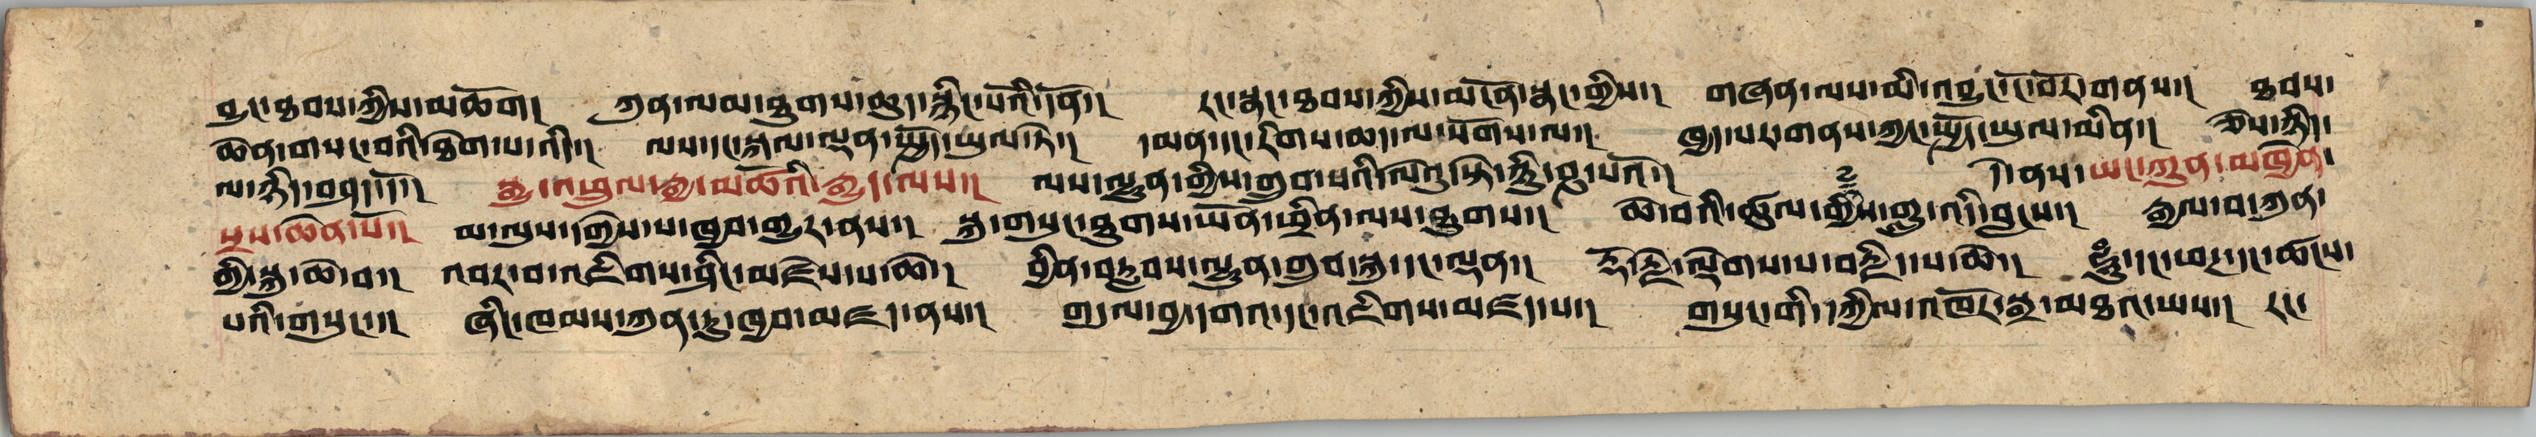བྱུང་ཐབས་ཀྱིས་མཆོག། ཀུན་ལམ་ཐུགས་ཆུད་སྙིང་པོའི་དོན་། རང་སྣང་ཐབས་ཀྱིས་མངོན་སྣང་གྱིས་། གཞན་ལས་མི་འབྱུང་ངོ་བོར་གནས་། ཐབས་
ཆེན་གསང་བའི་ཐེག་པ་འདི་། ལས་དང་སྐལ་ལྡན་སྤྱོད་ཡུལ་ཏེ་། དམན་དང་རིགས་ཆད་ལ་སོགས་ལ་། ཁྱད་པར་གནས་ཀྱང་སྤྱོད་ཡུལ་མིན་། ཅེས་ཉིད་
ལ་ཉིད་བཤད་དོ་། སྒྱུ་འཕྲུལ་རྒྱ་མཚོའི་རྒྱུད་ལས་། ལས་ལྷུན་གྱིས་གྲུབ་པའི་ལེའུ་སྟེ་ཉི་ཤུ་པའོ་།
དེ་ནས་ཡང་ཀུན་མཁྱེན་
སྲས་ཆེན་པོ་། མ་ལུས་དགྱེས་པ་ཁྱབ་གྱུར་ནས་། སྐུ་གསུང་ཐུགས་ཡོན་ཕྲིན་ལས་ཐུགས་། ཆེ་བའི་ཚུལ་གྱིས་གླུ་་འདི་བླངས་། རྒྱལ་བ་ཀུན་
གྱི་སྐུ་ཆེ་བ། འབར་བ་འཇིགས་ཤིང་མཛེས་པ་ཆེ་། བྱིན་བརླབས་ལྷུན་གྲུབ་སྐུ་དང་ལྡན་།། རྡོ་རྗེ་ལྡེགས་པ་བརྗིད་པ་ཆེ་། ཧཱུཾ་དང་ཕཊ་དང་ཚངས་
པའི་གསུང་་། ཞིང་ཁམས་ཀུན་ཏུ་ཁྱབ་མཛད་ནས་། གདུལ་བྱ་དགའ་དང་འཇིགས་མཛད་པ་། གསུང་གི་དཀྱིལ་འཁོར་སྒྲ་མཐའ་ཡས་། རང་